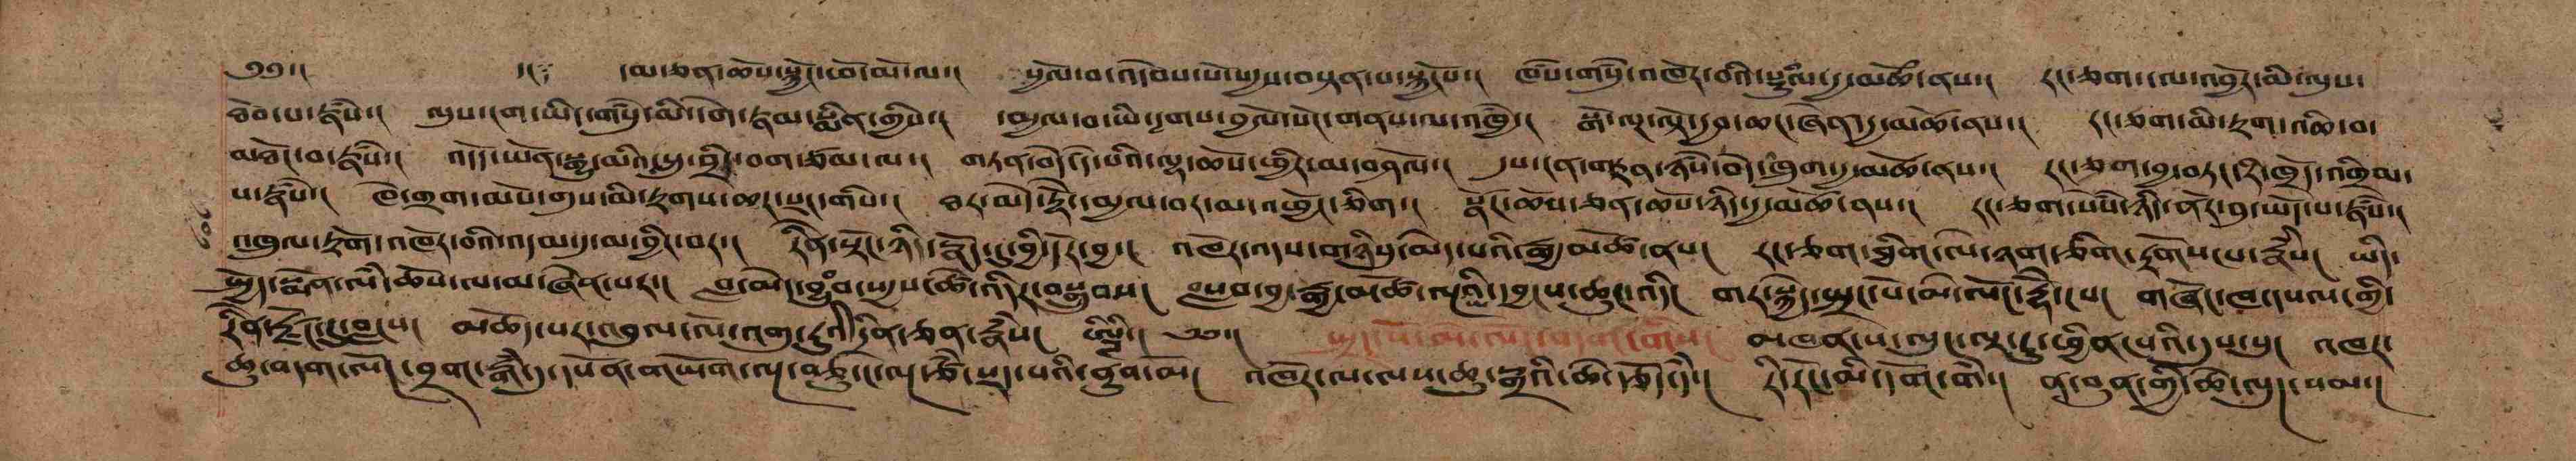༄༅་། དང་༑ དམ་ཅན་ཆོས་སྐྱོང་ཕོ་མོ་ལ། གསོལ་བ་འདེབས་སོ་སངས་རྒྱས་བསྟན་པ་སྐྱོངས། ཁམས་གསུམ་འཁོར་བའི་སྡུག་བསྔལ་རྒྱ་མཚོ་ནས། རང་ཅག་དལ་འབྱོར་མི་ལུས་
ཐོབ་པ་རྣམས། ལུས་ངག་ཡིད་གསུམ་མི་དགེ་རྣམ་སྨིན་གྱིས། དམྱལ་བ་ཡི་དྭགས་བྱོལ་སོང་གནས་ལ་འཁྱཾ། སྒོ་ལྔ་ལྟོ་རྒྱབ་ཆང་ཞེན་རྒྱ་མཚོ་ནས། རང་ཅག་མི་རྟག་འཆི་བ་
མཐོང་བ་རྣམས། འདོད་ཡོན་སྒྱུ་མའི་སླུ་བྲིད་བག་ཙམ་ལ། གཏན་བདེ་དམ་པའི་ལྷ་ཆོས་ཕྱིར་མ་བཤོལ། དུས་ངན་གརྟན་ཉམས་བདེ་འཁྲུག་རྒྱ་མཚོ་ནས། རང་ཅག་བྱ་གཏང་རི་ཁྲོད་འགྲིམ་
པ་རྣམས། ཁེ་གྲགས་མོས་གུས་མི་རྟགས་ཆགས་སྡང་གིས། ཐར་མེད་རྡོ་རྗེ་དམྱལ་བར་མ་འཕྱོང་ཅིག། སྣ་ཚོགས་ཆོས་ཅན་ཆོས་ཉིད་རྒྱ་མཚོ་ནས། རང་ཅག་སེམས་ཉིད་ནོར་བུ་ཡོད་པ་རྣམས། 
འཁྲུལ་རྟོག་འཁོར་བའི་འདམ་དུ་མ་བྱིང་བར། རིན་ཆེན་སྟོང་ཉིད་སྣོད་དུ་བྱི་དོར་བྱ། འཁོར་འདས་གཉིས་སུ་མེད་པའི་རྒྱ་མཚོ་ནས། རང་ཅག་ཐིག་ལེ་ཉག་ཅིག་རྟོགས་པ་རྣམས། ཡིད་
སྤྱོད་སྨོན་ལམ་ཆོས་ལ་མ་ཞེན་པར། བླ་མེད་བྱང་ཆུབ་གཡས་ཚེ་འདིར་བསྒྲུབས། བསླབ་བྱ་རྒྱ་མཚོ་ལྔའི་དབྱངས་ཆུང་འདི། གར་སྐྱེད་སྤྲང་པོ་མེ་ལོང་རྡོ་རྗེ་ངས། གཞོང་ཁ་དཔལ་གྱི་
རིན་ཆེན་རྫོང་དུ་བླངས། མཆོད་པར་འབུལ་ལོ་འགུ་རུའི་དྲིན་ཅན་རྣམས། ཨིཊི།༄༅་། སྤྲང་པོ་མེ་ལོང་བདག་གིས། མཁན་པ་ལུང་ལྟ་རུ་ཕྱིན་པའི་དུས་སུ། མཁར་
ཆུ་བདག་ལོང་བྲག་རྒམ་དུ་དཔོན་གཡོག་ལྔ་བཅུ་ང་ལྔ་ཙམ་སྡད་པའི་ནུབ་མོ། འཁོར་ལ་ལས་ཆུ་སྒྲའི་ཆེ་རྩོད་དམ། རི་རོང་མོ་དགོ་གི། ན་བུན་གྱི་ཚེ་ལུགས་སམ།